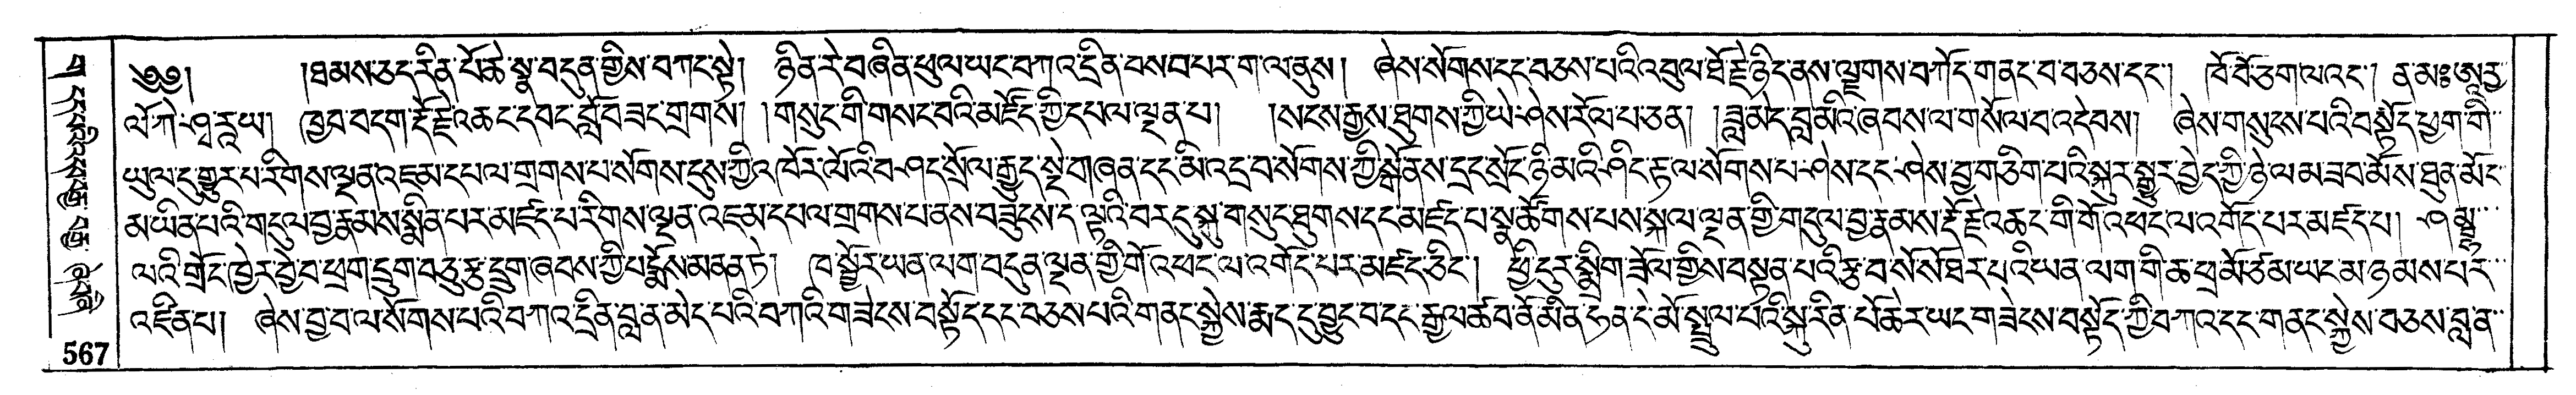༄༅། །ཐམས་ཅད་རིན་པོ་ཆེ་སྣ་བདུན་གྱིས་བཀང་སྟེ། ཉིན་རེ་བཞིན་ཕུལ་ཡང་བཀའ་དྲིན་བསབ་པར་ག་ལ་ནུས། ཞེས་སོགས་དང་བཅས་པའི་འབུལ་ཐོ་རྗེ་ཉིད་ནས་ལྗགས་བཀོད་གནང་བ་བཅས་དང་། ཁོ་བོ་ཅིག་ལའང་། ན་མཿ ཨཱརྱ་
ལོ་ཀེ་ཤྭརཱ་ཡ། ཁྱབ་བདག་རྡོ་རྗེ་འཆང་དབང་བློ་བཟང་གྲགས། །གསུང་གི་གསང་བའི་མཛོད་ཀྱི་དཔལ་ལྡན་པ། །སངས་རྒྱས་ཐུགས་ཀྱི་ཡེ་ཤེས་རོལ་པ་ཅན། །ཟླ་མེད་བླ་མའི་ཞབས་ལ་གསོལ་བ་འདེབས། ཞེས་གསུངས་པའི་བསྟོད་ཕྱག་གི་
ཡུལ་དུ་གྱུར་པ་རིགས་ལྡན་འཇམ་དཔལ་གྲགས་པ་སོགས་དུས་ཀྱི་འཁོར་ལོའི་བཤད་སྲོལ་རྒྱུད་སྡེ་གཞན་དང་མི་འདྲ་བ་སོགས་ཀྱི་སྒོ་ནས་དྲང་སྲོང་ཉི་མའི་ཤིང་རྟ་ལ་སོགས་པ་ཤེས་དང་ཤེས་བྱ་གཅིག་པའི་སྐུར་སྒྱུར་བྱེད་ཀྱི་ཉེ་ལམ་ཟབ་མོས་ཐུན་མོང་
མ་ཡིན་པའི་གདུལ་བྱ་རྣམས་སྨིན་པར་མཛད་པ་རིགས་ལྡན་འཇམ་དཔལ་གྲགས་པ་ནས་བཟུངས་དེ་ལྟའི་བར་དུ་སྐུ་གསུང་ཐུགས་དང་མཛད་པ་སྣ་ཚོགས་པས་སྐལ་ལྡན་གྱི་གདུལ་བྱ་རྣམས་རྡོ་རྗེ་འཆང་གི་གོ་འཕང་ལ་འགོད་པར་མཛད་པ། ཤམྦྷ་
ལའི་གྲོང་ཁྱེར་བྱེ་བ་ཕྲག་དགུ་བཅུ་རྩ་དྲུག་ཞབས་ཀྱི་པདམོས་མནན་ཏེ། ཁ་སྦྱོར་ཡན་ལག་བདུན་ལྡན་གྱི་གོ་འཕང་ལ་འགོད་པར་མཛད་ཅིང་། ཕྱི་དུར་སྨྲིག་ཟོལ་གྱིས་བསྟན་པའི་རྩ་བ་སོ་སོ་ཐར་པའི་ཡན་ལག་གི་ཆ་ཕྲ་མོ་ཙམ་ཡང་མ་ཉམས་པར་
འཛིན་པ། ཞེས་བྱ་བ་ལ་སོགས་པའི་བཀའ་དྲིན་བླ་ན་མེད་པའི་བཀའི་གཟེངས་བསྟོད་དང་བཅས་པའི་གནང་སྐྱེས་རྨད་དུ་བྱུང་བ་དང་རྒྱལ་ཚབ་ནོ་མིན་ཧན་དེ་མོ་སྤྲུལ་པའི་སྐུ་རིན་པོ་ཆེར་ཡང་གཟེངས་བསྟོད་ཀྱི་བཀའ་དང་གནང་སྐྱེས་བཅས་བླ་ན་